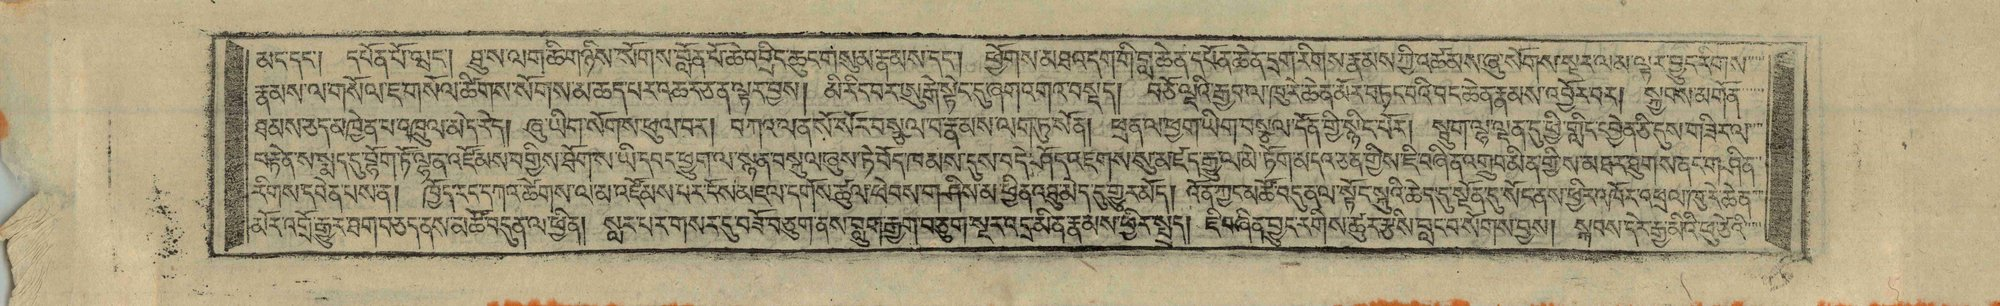མང་དང་། དཔོན་པོ་ཝང་། ཐུ་ས་ལག་ཆི་གཉིས་སོགས་བློན་པོ་ཆེ་འབྲིང་ཆུང་གསུམ་རྣམས་དང་། ཕྱོགས་མཐའ་དག་གི་བླ་ཆེན་དཔོན་ཆེན་དྲག་རིགས་རྣམས་ཀྱི་འཚམས་ཞུ་སོགས་སྔར་ལམ་ལྟར་བྱུང་རིགས་
རྣམས་ལ་གསོལ་ཇ་གསོལ་ཚིགས་སོགས་མ་ཆད་པར་འཆར་ཅན་ལྟར་བྱས། མི་རིང་བར་ཨུརྒེ་སྟེང་དུ་ཞག་འགའ་བསྡད། བཅོ་ལྔའི་རྒྱབ་ལ་ཁུ་རེ་ཆེན་མོར་བཏང་བའི་བང་ཆེན་རྣམས་འབྱོར་བར། སྐྱབས་མགོན་
ཐམས་ཅད་མཁྱེན་པ་འཁྲུལ་མེད་རེད། ཞུ་ཡིག་སོགས་ཕུལ་བར། བཀའ་ལན་སོ་སོར་བསྩལ་བ་རྣམས་ལག་ཏུ་སོན། ཕྲན་ལ་ཕྱག་ཡིག་བསྩལ་དོན་གྱི་སྙིང་པོར། སྦུག་ལྷ་ལྡན་དུ་ཕྱི་གླིང་དབྱེན་ཅི་དུས་གཟིར་ལ་
བརྟེན་ས་སྨད་དུ་བྷོག་ཏོ་ལྷན་འཛོམས་བགྱིས་ཐོག་ས་ཡི་དབང་ཕྱུག་ལ་སྙན་བསྐུལ་ཞུས་ཏེ་བོད་ཁམས་དུས་བདེ་ཤོད་འཇགས་སུ་མཛད་རྒྱུ་ལ་མེ་ཏོག་མདའ་ཅན་གྱིས་ཇི་བཞིན་འགྲུབ་མིན་གྱིས་ས་མཐར་ཐུགས་ནང་གཤིན་
རིགས་དབེན་པས་ན། ཁྱོད་རང་དཀའ་ཚེགས་ལ་མ་འཛོམས་པར་ངོས་མཇལ་དགོས་ཚུལ་ཕེབས་གཤིས་མ་ཕྱིན་འཐུ་མེད་དུ་གྱུར་མོད། འོན་ཀྱང་མཚོ་བདུན་ལ་སྟོང་སྐུའི་ཆེད་དུ་སྔོན་དུ་སོང་ནས་ཕྱིར་འཁོར་འཕྲལ་ཁུ་རེ་ཆེན་
མོར་འགྲོ་རྒྱུར་ཐག་བཅད་ནས་མཚོ་བདུན་ལ་ཕྱིན། སླར་པར་གསར་དུ་བཟོ་བཅུག་ནས་བླུག་རྒྱག་བཅུག་སྔར་འདྲ་མིན་རྣམས་ཕྱིར་སྤྲད། ཇི་བཞིན་བྱུང་རིགས་ཚུར་རྩིས་བླང་བ་སོགས་བྱས། སྐབས་དེར་རྒྱ་མིའི་ཕུ་ཙེའི་